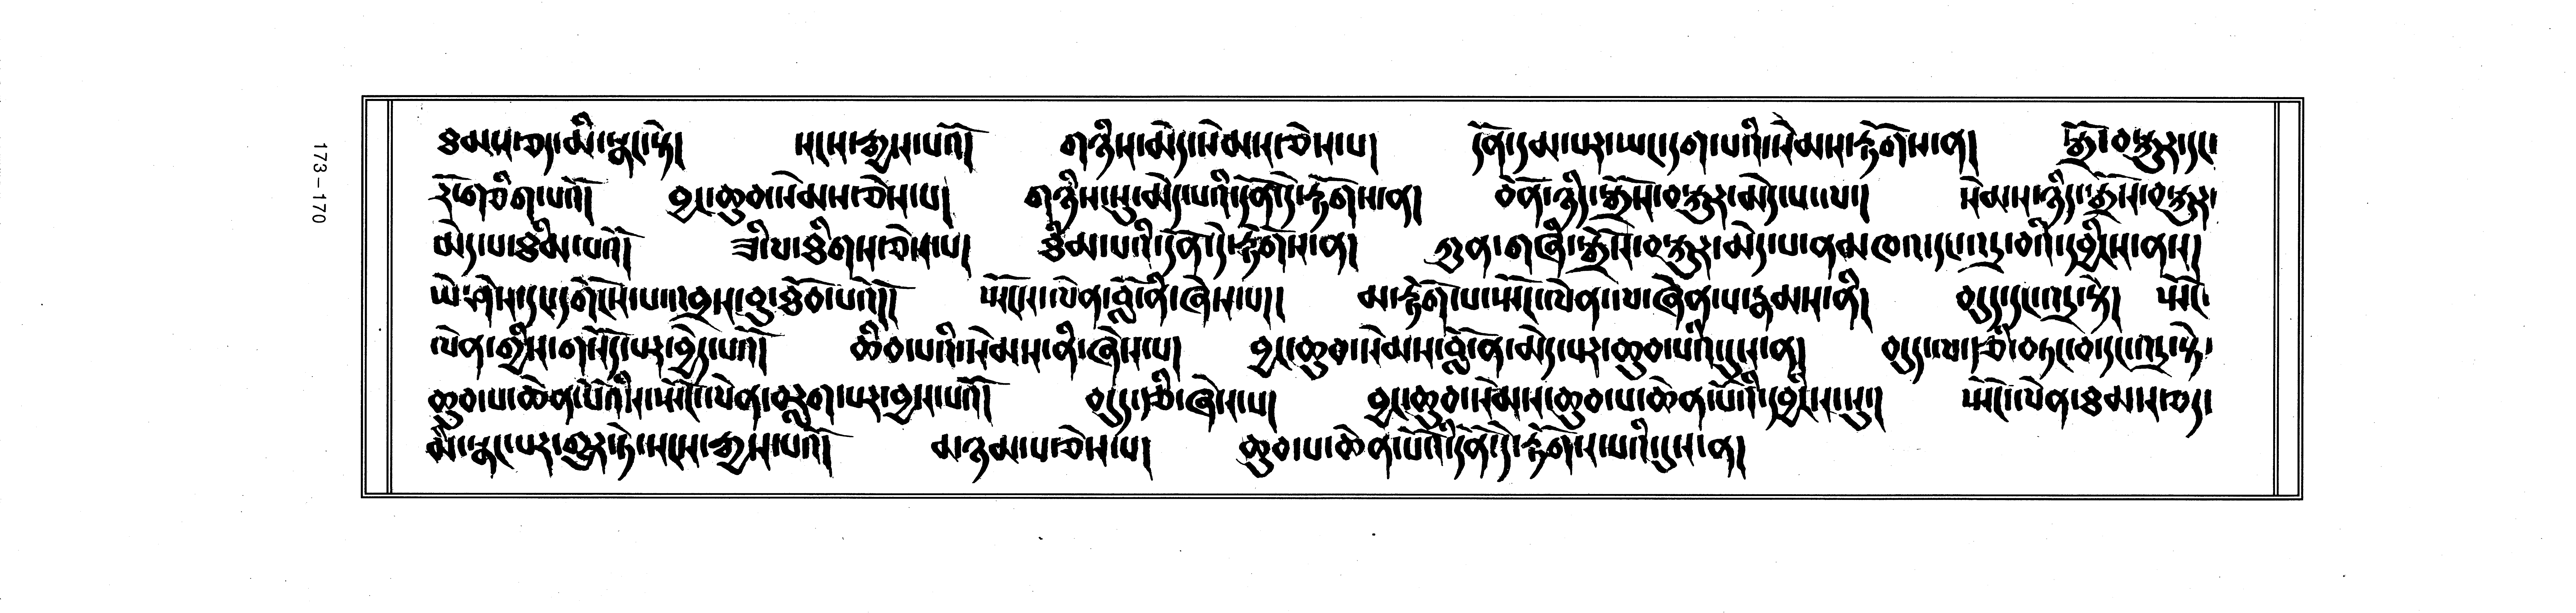ཐམས་ཅད་མི་སྣང་སྟེ། སངས་རྒྱས་པའོ། །གཉིས་མེད་སེམས་ཅེས་པ། དོན་དམ་པར་ཡང་དག་པའི་སེམས་རྟོགས་ན་སྒྲོ་སྐུར་དང་
རོ་གཅིག་པའོ། །བྱང་ཆུབ་སེམས་ཅེས་པ། གཉིས་སུ་མེད་པའི་དོན་དེ་རྟོགས་ན་བོན་ཉིད་སྒྲོ་སྐུར་མེད་པ་ལ་སེམས་ཉིད་སྒྲོ་སྐུར་
མེད་པ་ཐིམ་པའོ། །ཟིལ་ཐིགས་ཅེས་པ། ཐིམ་པའི་དོན་དེ་རྟོགས་ན། ཀུན་གཞི་སྒྲོ་སྐུར་མེད་པ་ནམ་མཁའ་དང་འདྲ་བའི་དབྱིངས་ནས། 
ཡེ་ཤེས་དང་དགོངས་པ་དང་འབྲས་བུ་ཐོབ་པའོ། །སྤོང་ལེན་བློ་ནི་ཅེས་པ། མ་རྟོགས་པ་སྤོང་ལེན་ལ་ཞེན་པ་རྣམས་ནི་བདུད་དང་འདྲ་སྟེ། སྤོང་
ལེན་གྱིས་གསོད་པར་བྱེད་པའོ། །ཆིབས་པའི་སེམས་ནི་ཞེས་པ། བྱང་ཆུབ་སེམས་བློ་ན་མེད་པར་ཆུབ་པ་དུས་ན། བདུད་ལ་རྩི་བཏང་བ་དང་འདྲ་སྟེ། 
ཆུབ་པ་ཆེན་པོས་སྤོང་ལེན་བརླག་པར་བྱས་པའོ། །བདུད་རྩི་ཞེས་པ། བྱང་ཆུབ་སེམས་ཆུབ་པ་ཆེན་པོའི་དབྱིངས་སུ་སྤོང་ལེན་ཐམས་ཅད་
མི་སྣང་བར་གྱུར་ཏེ་སངས་རྒྱས་པའོ། །མཉམ་པ་ཅེས་པ། ཆུབ་པ་ཆེན་པོའི་དོན་རྟོགས་པའི་དུས་ན།